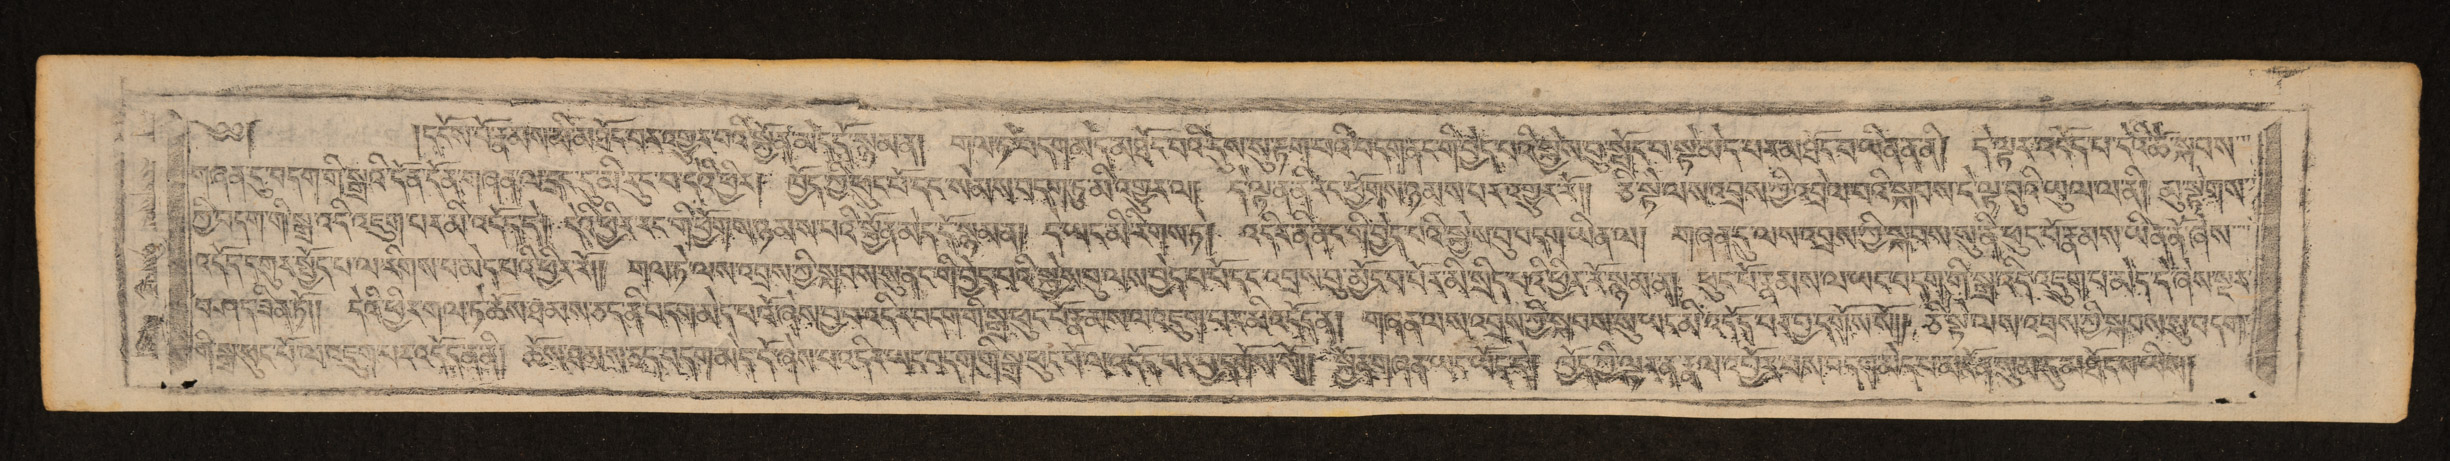༄༅། །དངོས་པོ་རྣམས་མི་མཐོང་བར་འགྱུར་བའི་སྐྱོན་མེད་དོ་སྙམ་ན། གལ་ཏེ་བདག་མེད་མཐོང་བའི་དུས་སུ་རྟག་པའི་བདག་ནང་གི་བྱེད་པའི་སྐྱེས་བུ་སྤོང་བ་སྟེ་མེད་པར་མཐོང་བ་ཡིན་ན་ནི། དེ་ལྟར་འདོད་པ་དེའི་ཚེ་སྐབས་
གཞན་དུ་བདག་གི་སྒྲའི་དོན་དོན་གཞན་ལ་དྲང་དུ་མི་རུང་བ་དེའི་ཕྱིར། ཁྱོད་ཀྱི་ཕུང་པོ་དང་སེམས་བདག་ཏུ་མི་འྲྒྱུར་ལ། དེ་ལྟ་ན་ནི་རང་ཕྱོགས་ཉམས་པར་འགྱུར་རོ།། ཅི་སྟེ་ལས་འབྲས་ཀྱི་འབྲེལ་བའི་སྐབས་དེ་ལྟ་བུའི་ཡུལ་ལ་ནི། མུ་སྟེགས་
ཀྱི་བདག་གི་སྒྲ་འདི་འཇུག་པར་མི་འདོད་དེ། དེའི་ཕྱིར་རང་གི་ཕྱོགས་ཉམས་པའི་སྐྱོན་མེད་དོ་སྙམ་ན། དེ་ཡང་མི་རིགས་ཏེ། འདིར་ནི་ནང་གི་བྱེད་པའི་སྐྱེས་བུ་བདག་ཡིན་ལ། གཞན་དུ་ལས་འབྲས་ཀྱི་སྐབས་སུ་ནི་ཕུང་པོ་རྣམས་ཡིན་ནོ་ཞེས་
འདོད་དགུར་སྤྱོད་པ་ལ་རིགས་པ་མེད་པའི་ཕྱིར་རོ།། གལ་ཏེ་ལས་འབྲས་ཀྱི་སྐབས་སུ་ནང་གི་བྱེད་པའི་སྐྱེས་བུ་ལས་བྱེད་པ་པོ་དང་འབྲས་བུ་མྱོང་བ་པོར་མི་སྲིད་པའི་ཕྱིར་རོ་སྙམ་ན། ཕུང་པོ་རྣམས་ལ་ཡང་བདག་གི་སྒྲ་འདི་འཇུག་པ་མེད་དེ་ཞེས་སྔར་
བཤད་ཟིན་ཏོ།། དེའི་ཕྱིར་གལ་ཏེ་ཆོས་ཐམས་ཅད་ནི་བདག་མེད་པའོ་ཞེས་བྱ་བ་འདིར་བདག་གི་སྒྲ་ཕུང་པོ་རྣམས་ལ་འཇུག་པར་མི་འདོད་ན། གཞན་ལས་འབྲས་ཀྱི་སྐབས་སུ་ཡང་མི་འདོད་པར་བྱ་དགོས་སོ།། ཅི་སྟེ་ལས་འབྲས་ཀྱི་སྐབས་སུ་བདག་
གི་སྒྲ་ཕུང་པོ་ལ་འཇུག་པར་འདོད་ན་ནི། ཆོས་ཐམས་ཅད་བདག་མེད་དོ་ཞེས་པ་འདིར་ཡང་བདག་གི་སྒྲ་ཕུང་པོ་ལ་འདོད་པར་བྱ་དགོས་སོ།། སྐྱོན་གཞན་ཡང་ཡོད་དེ། ཁྱོད་ཀྱི་ལྟར་ན་རྣལ་འབྱོར་པས་བདག་མེད་པ་མངོན་སུམ་དུ་མཐོང་བ་ཡིས།